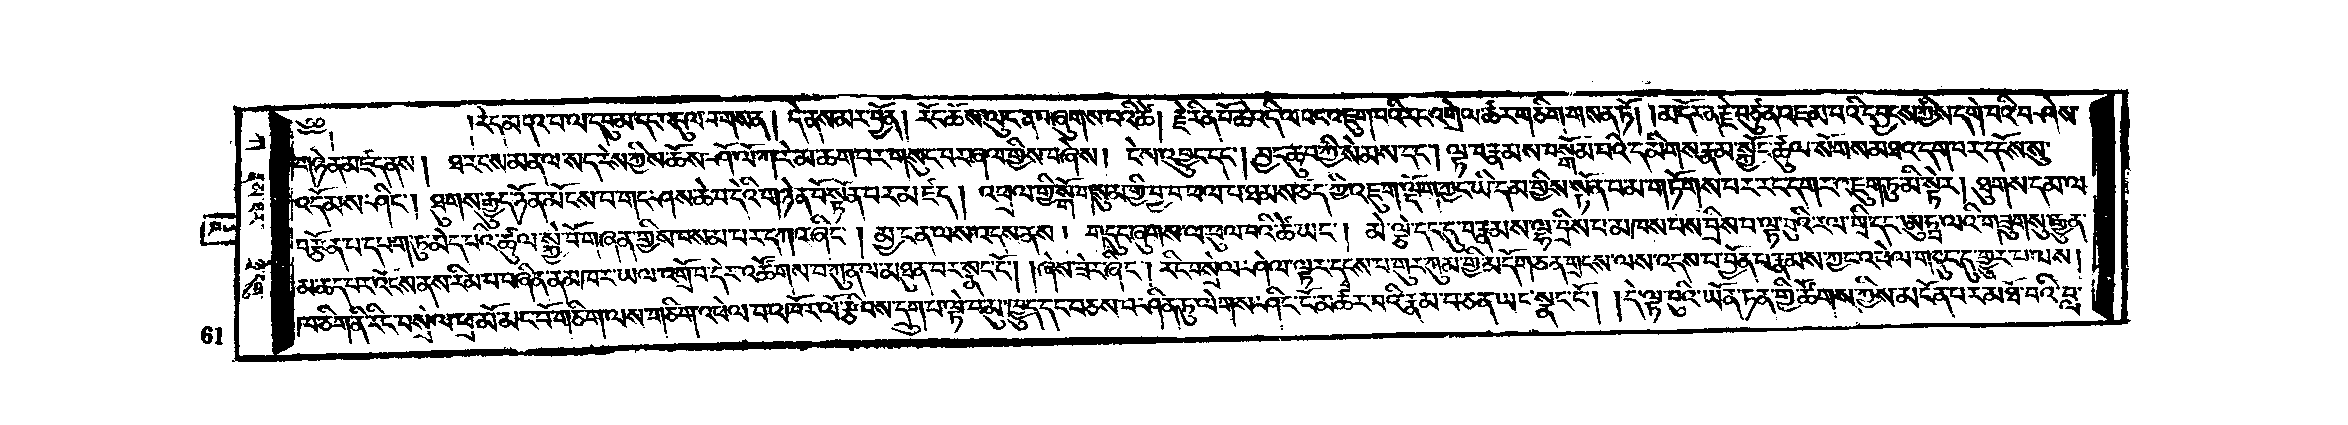༄༅། །རེད་མདའ་པ་ལ་དབུ་མ་དང་འདུལ་བ་གསན། དེ་ནས་མར་བྱོན། རོང་ཆོས་ལུང་ན་བཞུགས་པའི་ཚེ། རྗེ་རིན་པོ་ཆེ་འདི་ལའང་འཇུག་པའི་རང་འགྲེལ་ཚར་གཅིག་གསན་ཏོ། །མདོར་ན་རྗེ་བཙུན་འཇམ་པའི་དབྱངས་ཀྱིས་དགེ་བའི་བཤེས་
གཉེན་མཛད་ནས། ཐ་རངས་མནལ་སད་རེས་ཀྱིས་ཆོས་ཤོ་ལོ་ཀ་རེ་མ་ཆག་པར་གསུང་བར་ཞལ་གྱིས་བཞེས། ངེས་འབྱུང་དང་། བྱང་ཆུབ་ཀྱི་སེམས་དང་། ལྟ་བ་རྣམས་བསྒོམ་པའི་དམིགས་རྣམ་སྐྱོང་ཚུལ་སོགས་མཐའ་དག་པར་དངོས་སུ་
འདོམས་ཤིང་། ཐུགས་རྒྱུད་ཉོན་མོངས་པ་གང་ཤས་ཆེ་བ་དེའི་གཉེན་པོ་སྟོན་པར་མཛད། འཕྲལ་གྱི་སྒོ་གསུམ་གྱི་བྱ་བ་ཕལ་པ་ཐམས་ཅད་ཀྱི་འཇུག་ལྡོག་ཀྱང་ཡི་དམ་གྱིས་སྟོན་པ་མ་གཏོགས་པར་རང་དགར་འཇུག་ཏུ་མི་སྟེར། ཐུགས་དམ་ལ་
བརྩོན་པ་དཔག་ཏུ་མེད་པའི་ཚུལ་སྐྱེ་བོ་གཞན་གྱིས་བསམ་པར་དཀའ་ཞིང་། མྱ་ངན་ལས་འདས་ནས། གདུང་ཞུགས་ལ་ཕུལ་བའི་ཚེ་ཡང་། མེ་ལྕེ་དང་དུ་བ་རྣམས་ལྷ་བྲིས་པ་མཁས་པས་བྲིས་པ་ལྟ་བུའི་རལ་གྲི་དང་ཨུཏྤ་ལའི་གཟུགས་སུ་རྒྱུན་
མ་ཆད་པར་འོངས་ནས་རིམ་པ་བཞིན་ནམ་མཁར་ཡལ་འགྲོ་བ་དེར་འཚོགས་པ་ཀུན་ལ་མཐུན་པར་སྣང་ངོ། །ཞེས་ཟེར་ཞིང་། རིང་བསྲེལ་ཤེལ་ལྟར་དྭངས་པ་གུར་ཀུམ་གྱི་མདོག་ཅན་གྲངས་ལས་འདས་པ་བྱོན་པ་རྣམས་ཀྱང་འཕེལ་གདུང་དུ་གྱུར་པ་ལས།
ཁ་ཅིག་ནི་རིང་བསྲེལ་ཕྲ་མོ་མང་པོ་གཅིག་ལས་གཅིག་འཕེལ་བ་འཁོར་ལོ་རྩིབས་དྲུག་པ་ལྟེ་བ་མུ་ཁྱུད་དང་བཅས་པ་ཤིན་ཏུ་ལེགས་ཤིང་ངོ་མཚར་བའི་རྣམ་པ་ཅན་ཡང་སྣང་ངོ། །དེ་ལྟ་བུའི་ཡོན་ཏན་གྱི་ཚོགས་ཀྱིས་མངོན་པར་མཐོ་བའི་བླ་